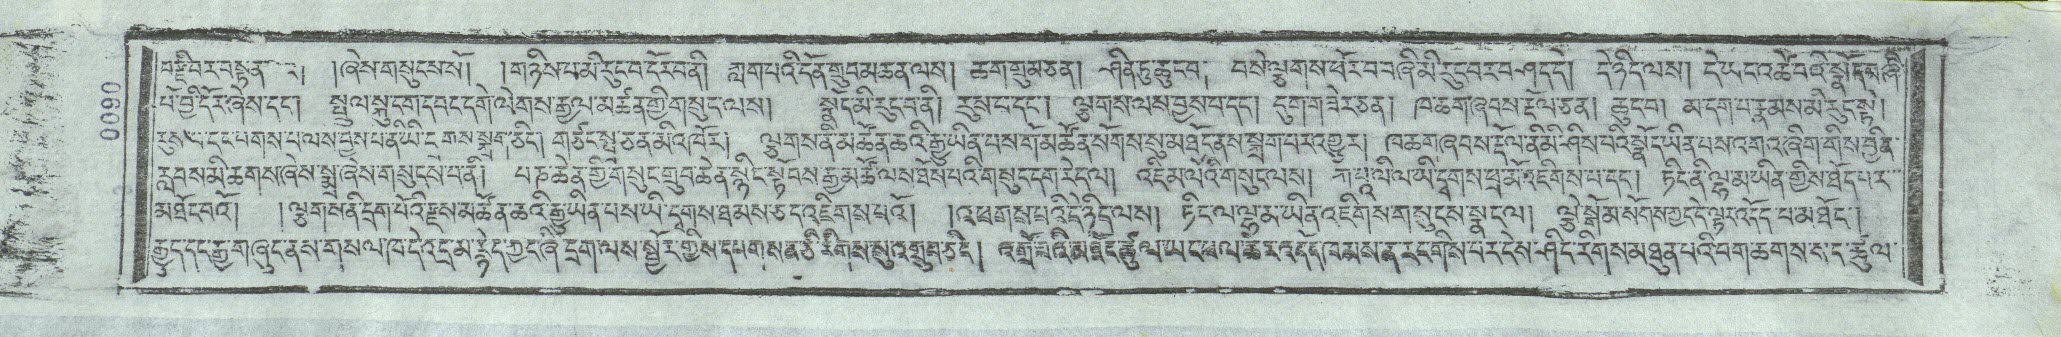བརྫི་བར་བསྟན་ལ། །ཞེས་གསུངས་སོ། །གཉིས་པ་མི་རུང་བ་དོར་བ་ནི། ཀླག་པའི་དོན་གྲུབ་མཆན་ལས། ཆག་གྲུམ་ཅན། ཤིན་ཏུ་ཆུང་བ། བསེ་ལྕགས་ཕོར་བ་བཞི་མི་རུང་བར་བཤད་དེ། དེ་ཉིད་ལས། དེ་ཡང་འཚོ་བའི་སྣོད་བཞི་
པོ་བྱི་དོར་ཞེས་དང་། སྤྲུལ་སྐུ་ངག་དབང་དགེ་ལེགས་རྒྱལ་མཚན་གྱི་གསུང་ལས། སྣོད་མི་རུང་བ་ནི། རུས་པ་དང་། ལྕགས་ལས་བྱས་པ་དང་། དུག་གཟེར་ཅན། ཁ་ཆག་ཞབས་རྡོལ་ཅན། ཆུང་བ། མ་དག་པ་རྣམས་མི་རུང་སྟེ།
རུས་པ་དང་པགས་པ་ལས་བྱས་པ་ནི་ཡི་དགས་སྐྲག་ཅིང་། གཙང་སྦྲ་ཅན་མི་འཁོར། ལྕགས་ནི་མཚོན་ཆའི་རྒྱུ་ཡིན་པས་གོ་མཚོན་སོགས་སུ་མཐོད་ནས་སྐྲག་པར་འགྱུར། ཁ་ཆག་ཞབས་རྡོལ་ནི་མི་ཤིས་པའི་སྣོད་ཡིན་པས་འགའ་ཞིག་གིས་བྱིན་
རླབས་མི་ཆགས་ཞེས་སྨྲ་ཞེས་གསུངས་པ་ནི། པཎ་ཆེན་གྱི་གསུང་གྲུབ་ཆེན་སྙིང་སྟོབས་རྒྱ་མཚོ་ལས་ཐོས་པའི་གསུང་དག་རེད་ལ། འཇིམ་ལའི་གསུང་ལས། ཀ་པཱ་ལོ་ལ་ཡི་དྭགས་ཕྲ་མོ་འཇིགས་པ་དང་། ཏིང་ནི་ལྷ་མ་ཡིན་གྱིས་ཐོད་པར་
མཐོང་བའོ། །ལྕགས་ནི་དྲག་པོའི་རྫས་མཚོན་ཆའི་རྒྱུ་ཡིན་པས་ཡི་དྭགས་ཐམས་ཅད་འཇིགས་པའོ། །འཕགས་པའི་དེ་ཉིད་ལས། ཏིང་ལ་ལྷ་མ་ཡིན་འཇིགས་གསུངས་སྣང་ལ། ལྕེ་སྒོམ་སོགས་ཀྱང་དེ་ལྟར་འདོད་པ་མ་ཐོང་།
རྒྱུད་དང་རྒྱ་གཞུང་ནས་གསལ་ཁ་དེ་འདྲ་མ་རྙེད་ཀྱང་ཞི་དྲག་ལས་སྦྱོར་གྱིས་དཔགས་ན་ཅི་རིགས་སུ་འགྲུབ་ཅིང་། འགྲོ་བའི་མཐོང་ཚུལ་ཡང་ཕལ་ཆེར་འདོད་ཁམས་ན་རང་གིས་པར་ངེས་ཤིང་རིགས་མཐུན་པའི་བག་ཆགས་སང་ཚུལ་